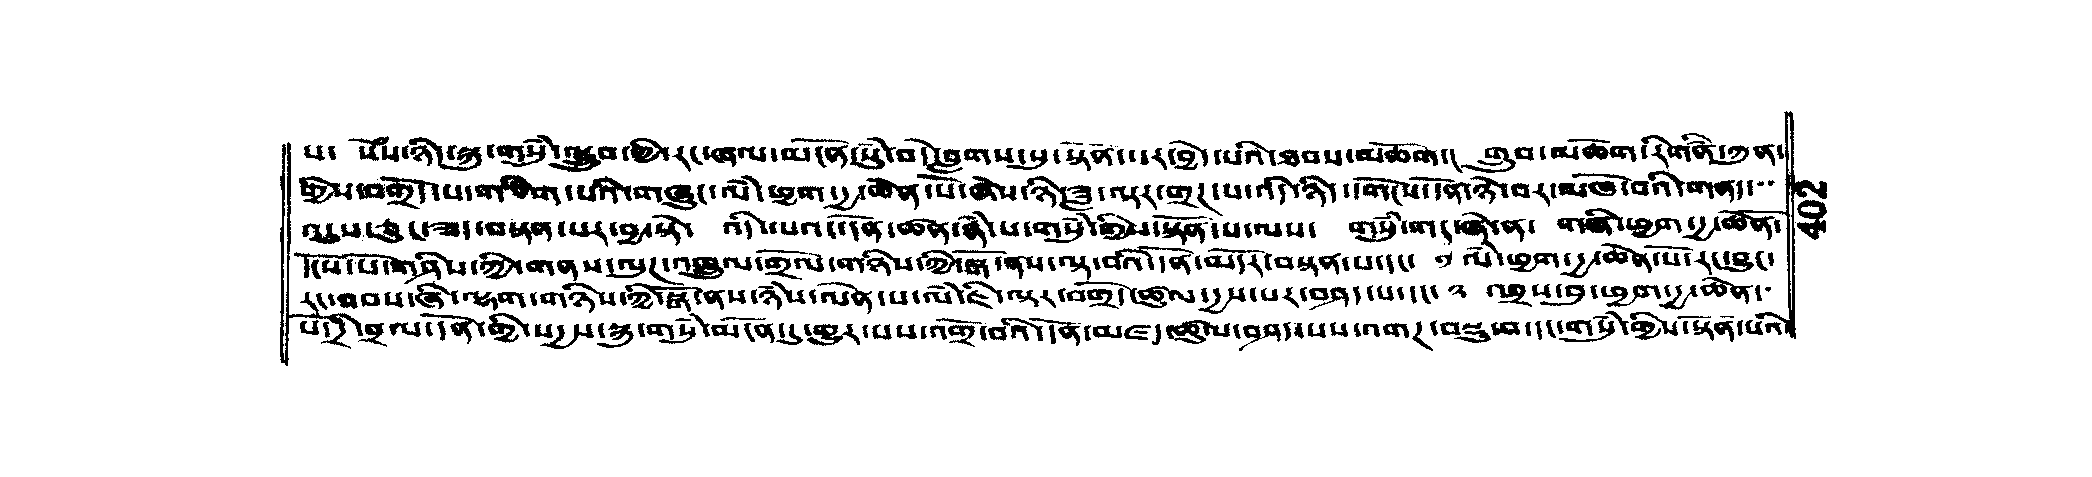པ། སེམས་ཉིད་སྐུ་གསུམ་ལྷུན་གྲུབ་ཀྱི་རང་ཞལ་མངོན་སུམ་བདེ་བླག་ཏུ་སྟོན་པར་བྱེད་པའི་ཐབས་མཆོག གྲུབ་མཆོག་རིག་འཛིན་ཀུན་
གྱིས་བགྲོད་པ་གཅིག་པའི་གཞུང་ལམ་ཕྱག་རྒྱ་ཆེན་པོ་ཞེས་ཉི་ཟླ་ལྟར་གྲགས་པ་འདི་ཉིད་དགོངས་དོན་ཉེ་བར་འཁོ་བའི་གནད་
འདུས་ཅུང་ཟད་བསྟན་པར་བྱ་སྟེ། འདི་ལའང་དོན་ཚན་རྣམ་པ་གསུམ་གྱིས་སྟོན་པ་ལས། ༡ གསུམ་གང་ཞེ་ན། གཞི་ཕྱག་རྒྱ་ཆེན་པོ་
དངོས་པོ་གཤིས་ཀྱི་གནས་ལུགས་འཁྲུལ་གྲོལ་གཉིས་ཀྱི་སྒོ་ནས་ལྟ་བའི་དོན་མདོར་བསྟན་པ་དང་། ལམ་ཕྱག་རྒྱ་ཆེན་པོ་རང་བྱུང་
རང་བབས་ཞི་ལྷག་གཉིས་ཀྱི་སྒོ་ནས་ཉམས་ལེན་པ་ལམ་ཇི་ལྟར་བགྲོད་ཚུལ་རྒྱས་པར་བཤད་པ་དང་།༢ འབྲས་བུ་ཕྱག་རྒྱ་ཆེན་
པོ་དྲི་བྲལ་དོན་གྱི་སངས་རྒྱས་སྐུ་གསུམ་མངོན་དུ་གྱུར་པས་འགྲོ་བའི་དོན་མཛད་ཚུལ་བཤད་པས་འགགས་བསྡུ་བ་དང་གསུམ་གྱིས་སྟོན་པའི་